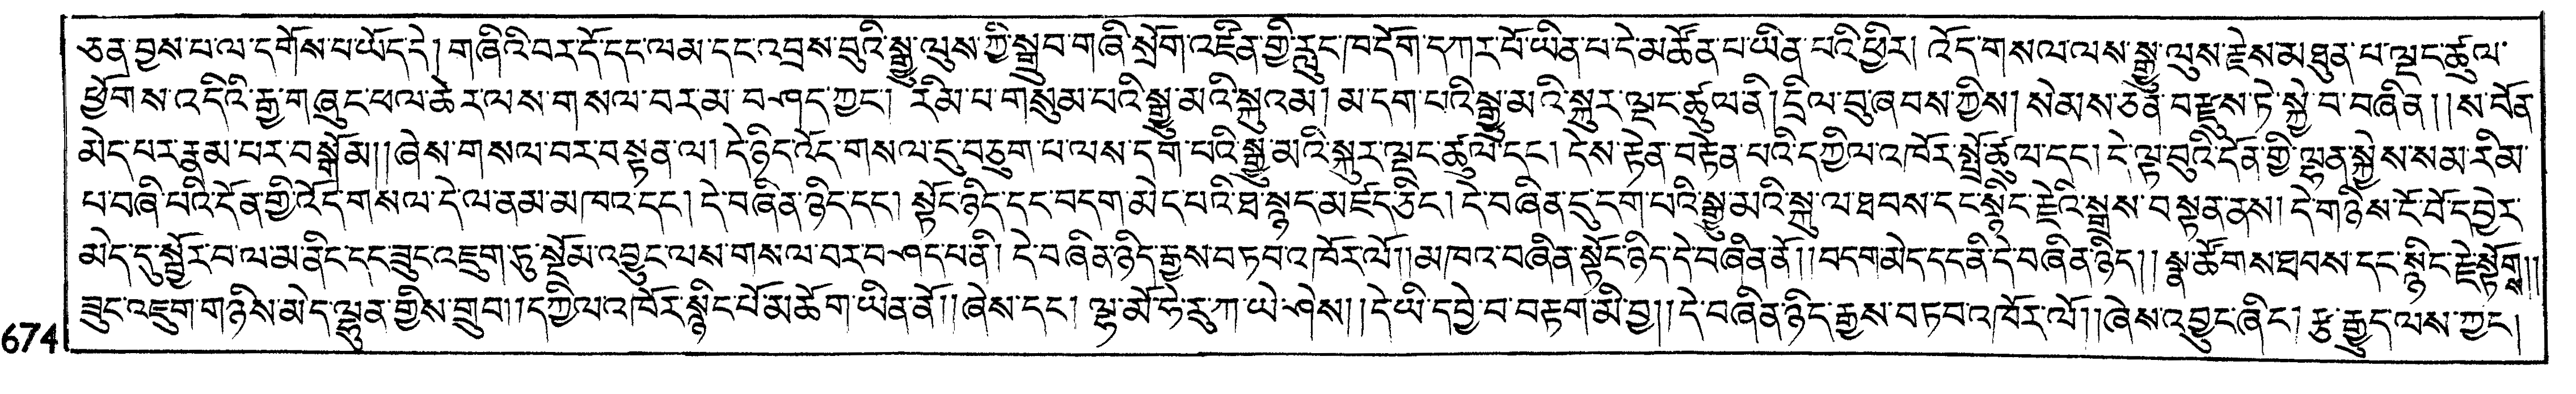ཅན་བྱས་པ་ལ་དགོས་པ་ཡོད་དེ། གཞིའི་བར་དོ་དང་ལམ་དང་འབྲས་བུའི་སྒྱུ་ལུས་ཀྱི་སྒྲུབ་གཞི་སྲོག་འཛིན་གྱི་རླུང་ཁ་དོག་དཀར་པོ་ཡིན་པ་དེ་མཚོན་པ་ཡིན་པའི་ཕྱིར། འོད་གསལ་ལས་སྒྱུ་ལུས་རྗེས་མཐུན་པ་ལྡང་ཚུལ་
ཕྱོགས་འདིའི་རྒྱ་གཞུང་ཕལ་ཆེར་ལས་གསལ་བར་མ་བཤད་ཀྱང་། རིམ་པ་གསུམ་པའི་སྒྱུ་མའི་སྐུའམ། མ་དག་པའི་སྒྱུ་མའི་སྐུར་ལྡང་ཚུལ་ནི། དྲིལ་བུ་ཞབས་ཀྱིས། སེམས་ཅན་བརྫུས་ཏེ་སྐྱེ་བ་བཞིན། །ས་བོན་
མེད་པར་རྣམ་པར་བསྒོམ། །ཞེས་གསལ་བར་བསྟན་ལ། དེ་ཉིད་འོད་གསལ་དུ་བཅུག་པ་ལས་དག་པའི་སྒྱུ་མའི་སྐུར་ལྡང་ཚུལ་དང་། དེས་རྟེན་བརྟེན་པའི་དཀྱིལ་འཁོར་སྤྲོ་ཚུལ་དང་། དེ་ལྟ་བུའི་དོན་གྱི་ལྷན་སྐྱེས་སམ་རིམ་
པ་བཞི་པའི་དོན་གྱི་འོད་གསལ་དེ་ལ་ནམ་མཁའ་དང་། དེ་བཞིན་ཉིད་དང་། སྟོང་ཉིད་དང་བདག་མེད་པའི་ཐ་སྙད་མཛད་ཅིང་། དེ་བཞིན་དུ་དག་པའི་སྒྱུ་མའི་སྐུ་ལ་ཐབས་དང་སྙིང་རྗེའི་སྒྲས་བསྟན་ནས། དེ་གཉིས་ངོ་བོ་དབྱེར་
མེད་དུ་སྦྱོར་བ་ལ་མ་ནིང་དང་ཟུང་འཇུག་ཏུ་སྡོམ་འབྱུང་ལས་གསལ་བར་བཤད་པ་ནི། དེ་བཞིན་ཉིད་རྒྱས་བཏབ་འཁོར་ལོ། །མཁའ་བཞིན་སྟོང་ཉིད་དེ་བཞིན་ནོ། །བདག་མེད་དང་ནི་དེ་བཞིན་ཉིད། །སྣ་ཚོགས་ཐབས་དང་སྙིང་རྗེ་སྟོགས། །
ཟུང་འཇུག་གཉིས་མེད་ལྷུན་གྱིས་གྲུབ། །དཀྱིལ་འཁོར་སྙིང་པོ་མཆོག་ཡིན་ནོ། །ཞེས་དང་། ལྷ་མོ་ཧེ་རུ་ཀ་ཡེ་ཤེས། །དེ་ཡི་དབྱེ་བ་བརྟག་མི་བྱ། །དེ་བཞིན་ཉིད་རྒྱས་བཏབ་འཁོར་ལོ། །ཞེས་འབྱུང་ཞིང་། རྩ་རྒྱུད་ལས་ཀྱང་།